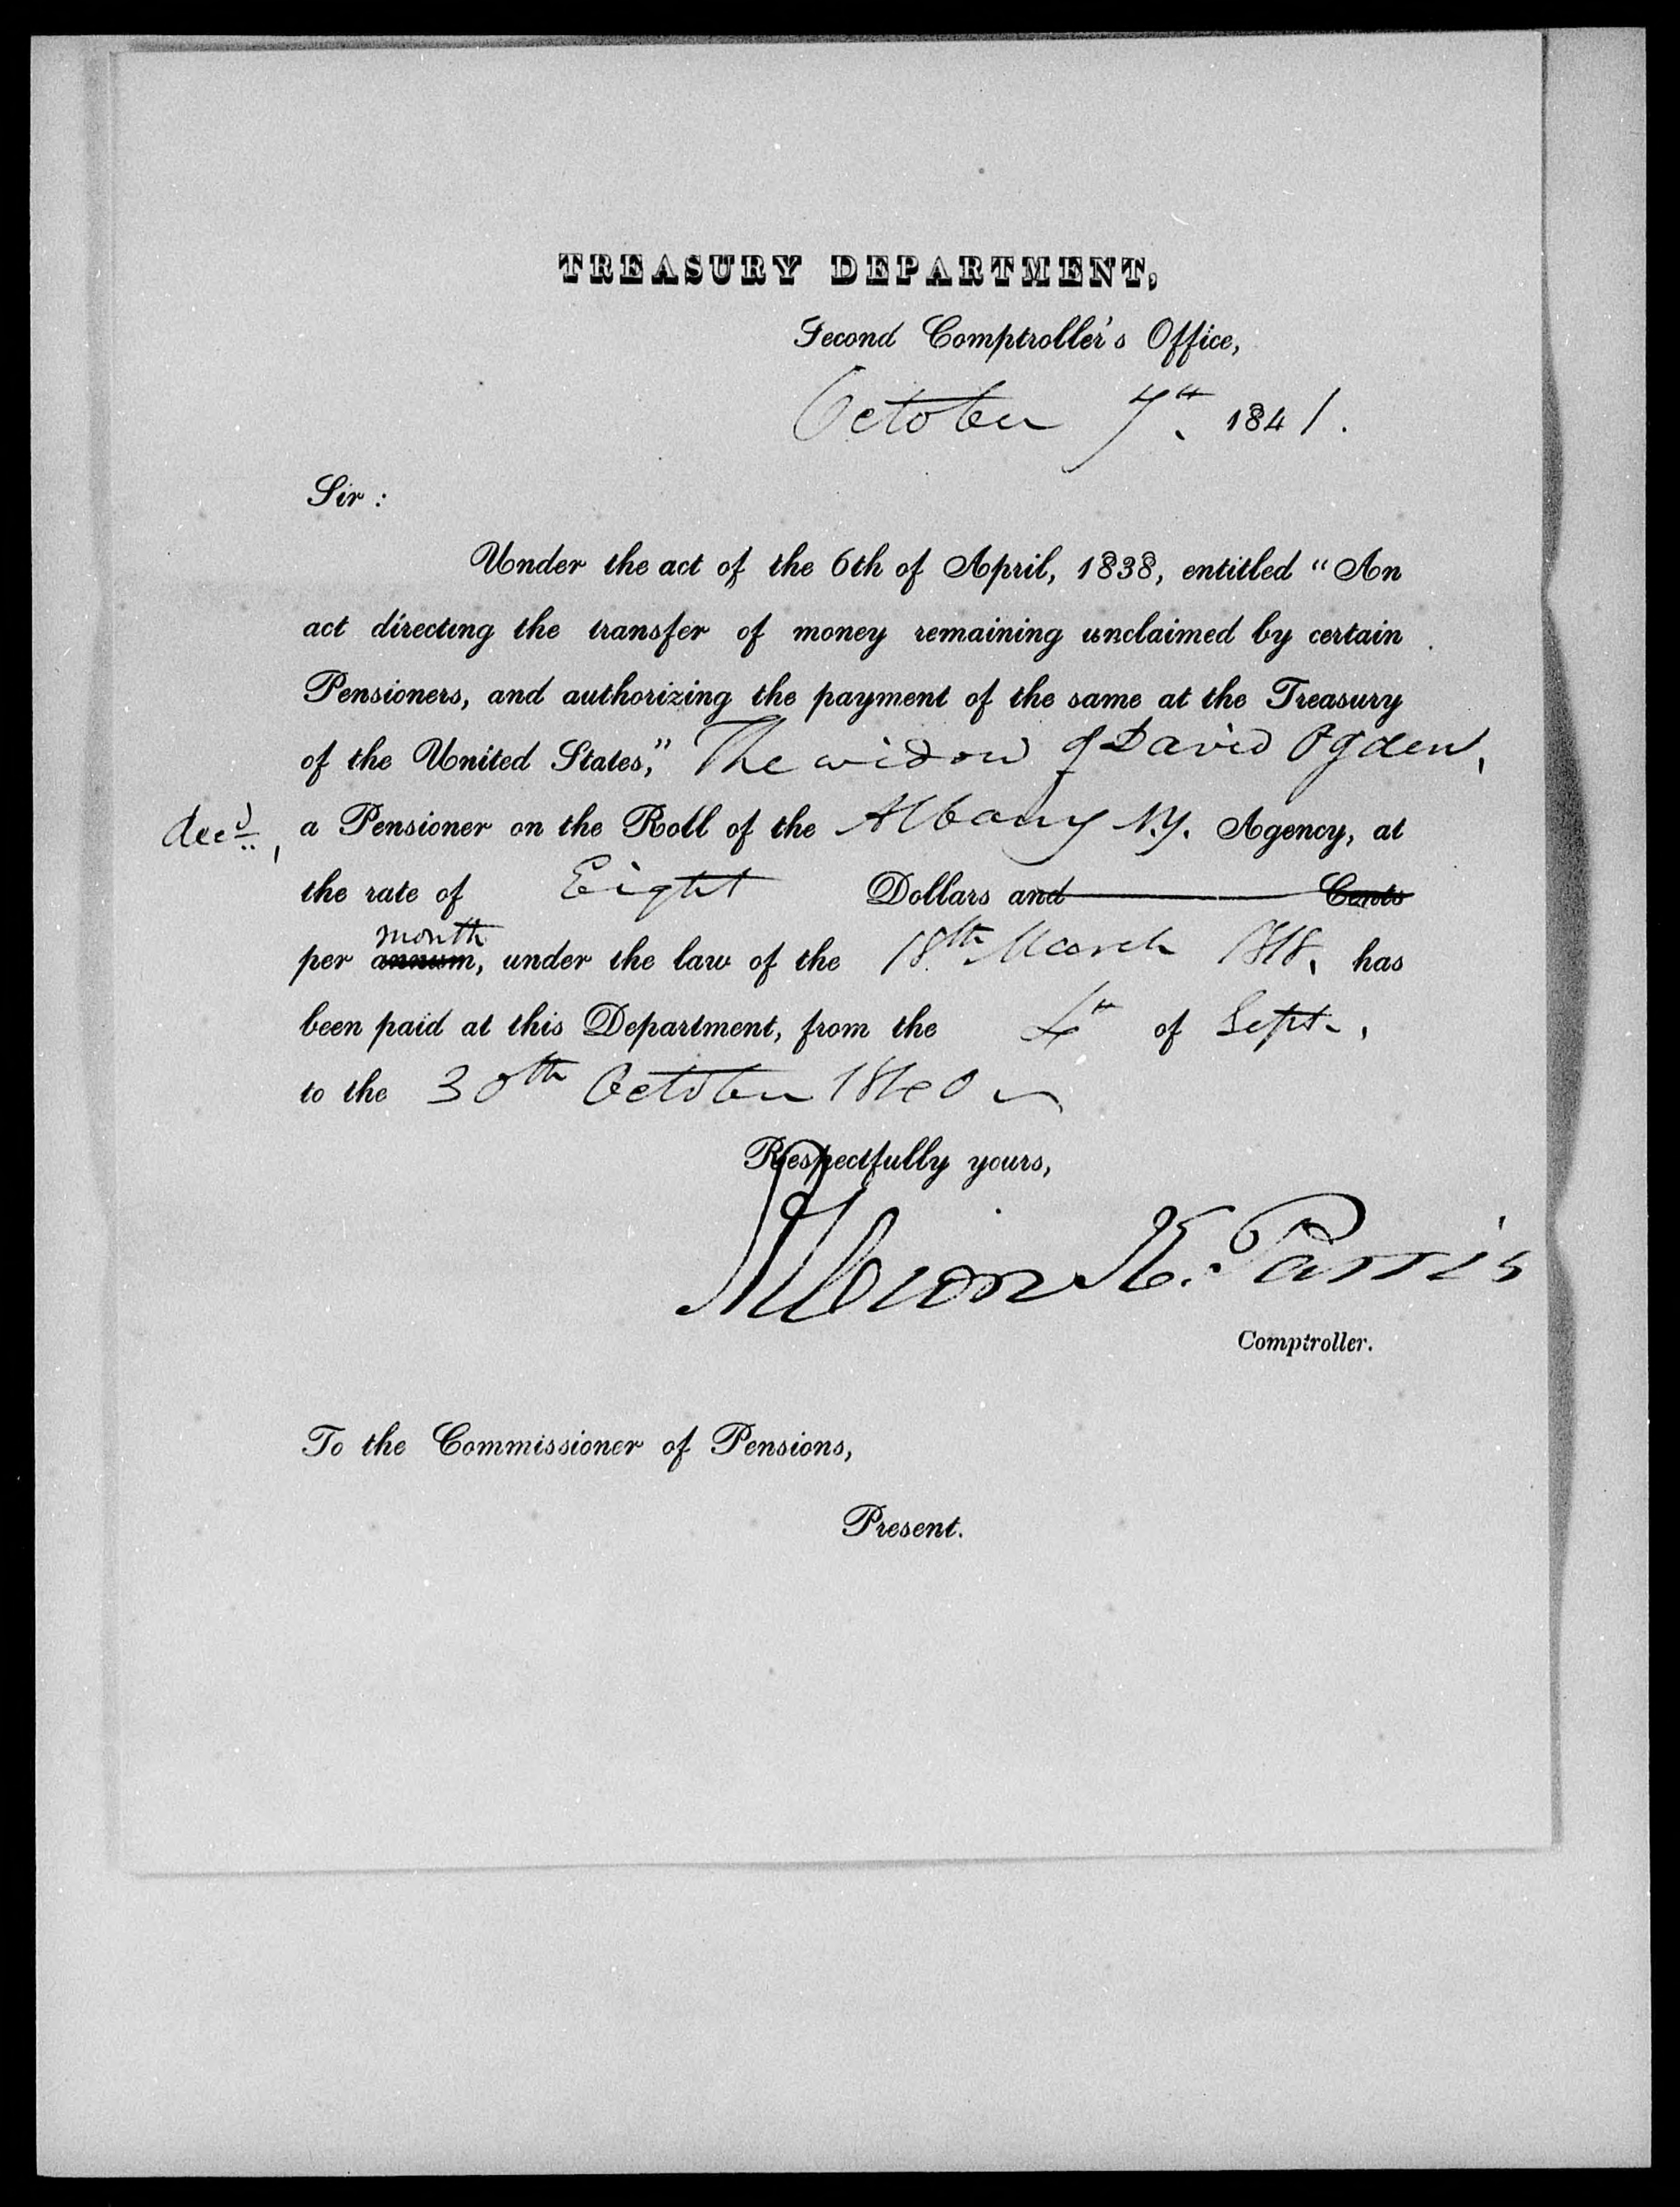[in large outline font] TREASURY DEPARTMENT,
Second Comptroller's Office
October 4th, 1841

Sir:
Under the act of the 6th of April, 1838, entitled "An
act directing the transfer of money remaining unclaimed by certain
Pensioners, and authorizing the payment of the same at the Treasury
of the United States," the widow of David Ogden,
decd., a Pensioner on the Roll of the Albany N.Y. Agency, at
the rate of Eight Dollars [crossed out: and cents] 
per [annum crossed out] month, under the law of the 18th March 1818, has
been paid at this Department, from the
4th of Sept., to the 30th October 1840 -

Respectfully yours,
Albion K. Parris 
Comptroller.

To the Commissioner of Pensions,
Present.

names: Albion K Parris; David Ogden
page: 32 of 40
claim: widow's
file: W. 24364, for David Ogden, New York